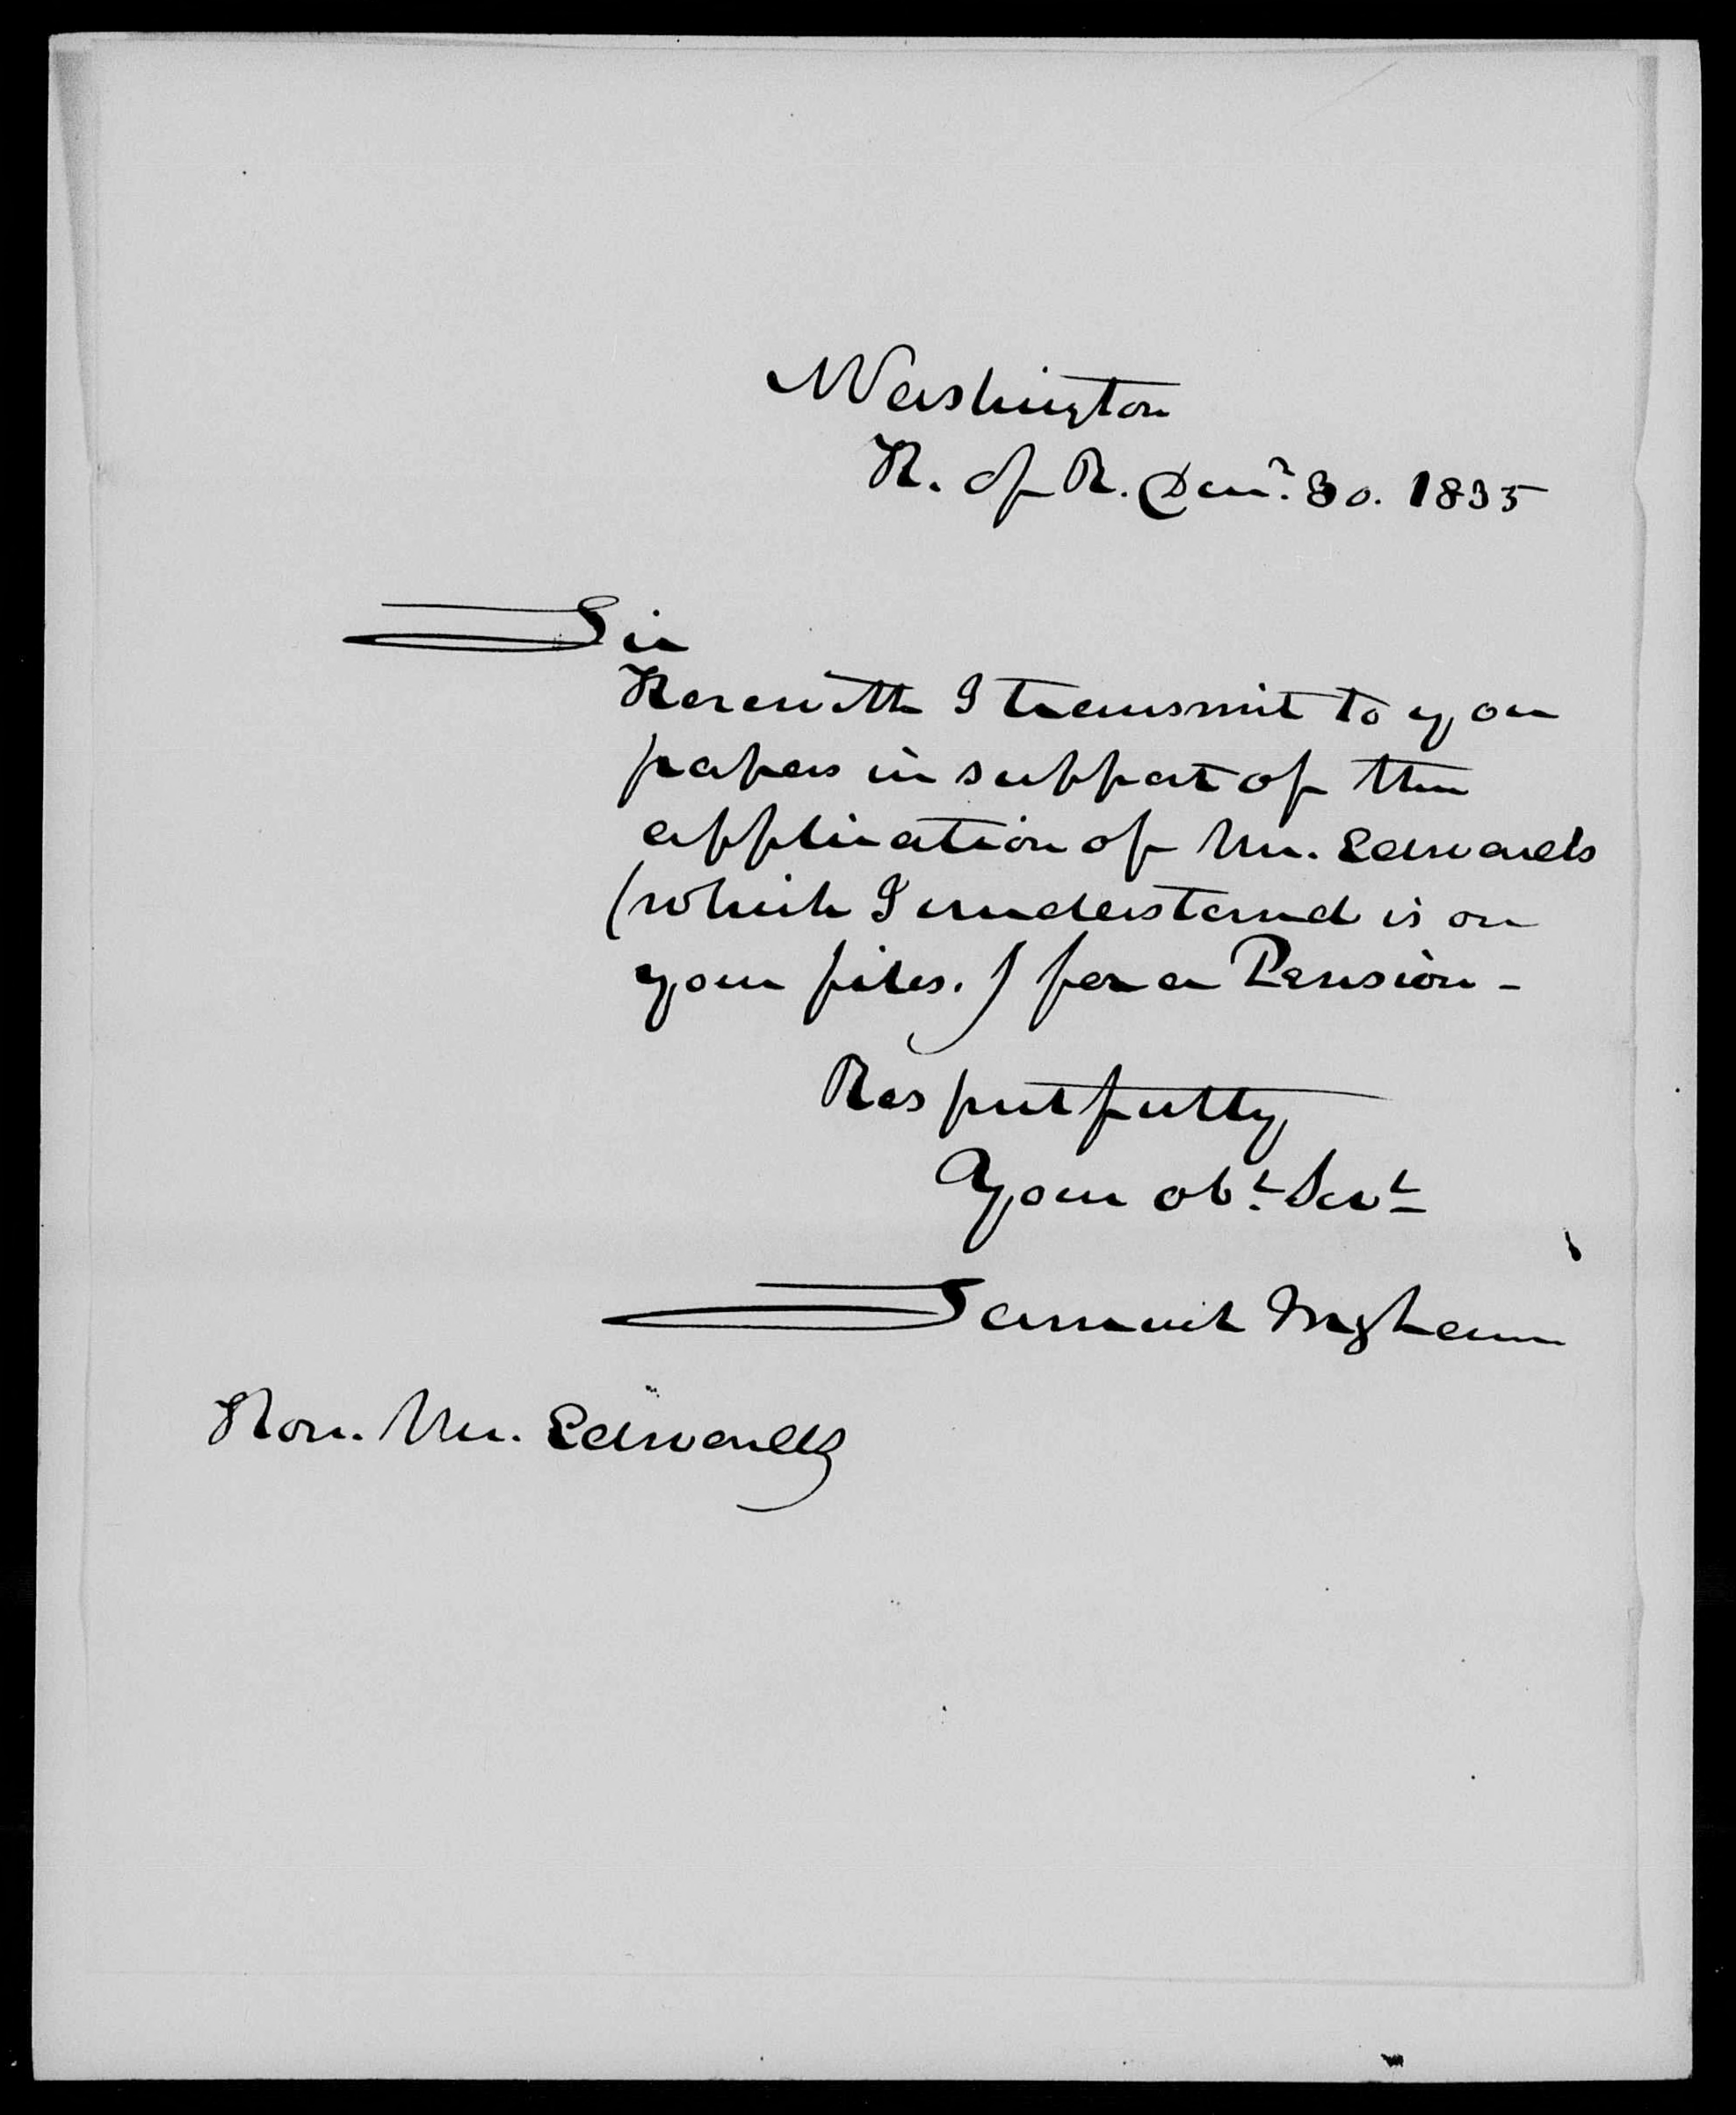Washington
H. of H. [illegible] 1835

Sir
Herewith I transmit to you papers in support of the application of Mr. Edwards (which I understand is on your files) for a pension.

Respectfully,
Your obedient servant
{signed} Samuel [illegible]

Hon. {signed, illegible}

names: Edwards, Samuel Ingham, Edwards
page: 14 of 50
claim: survivor's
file: S 10607, Jabez Edwards, Conn.